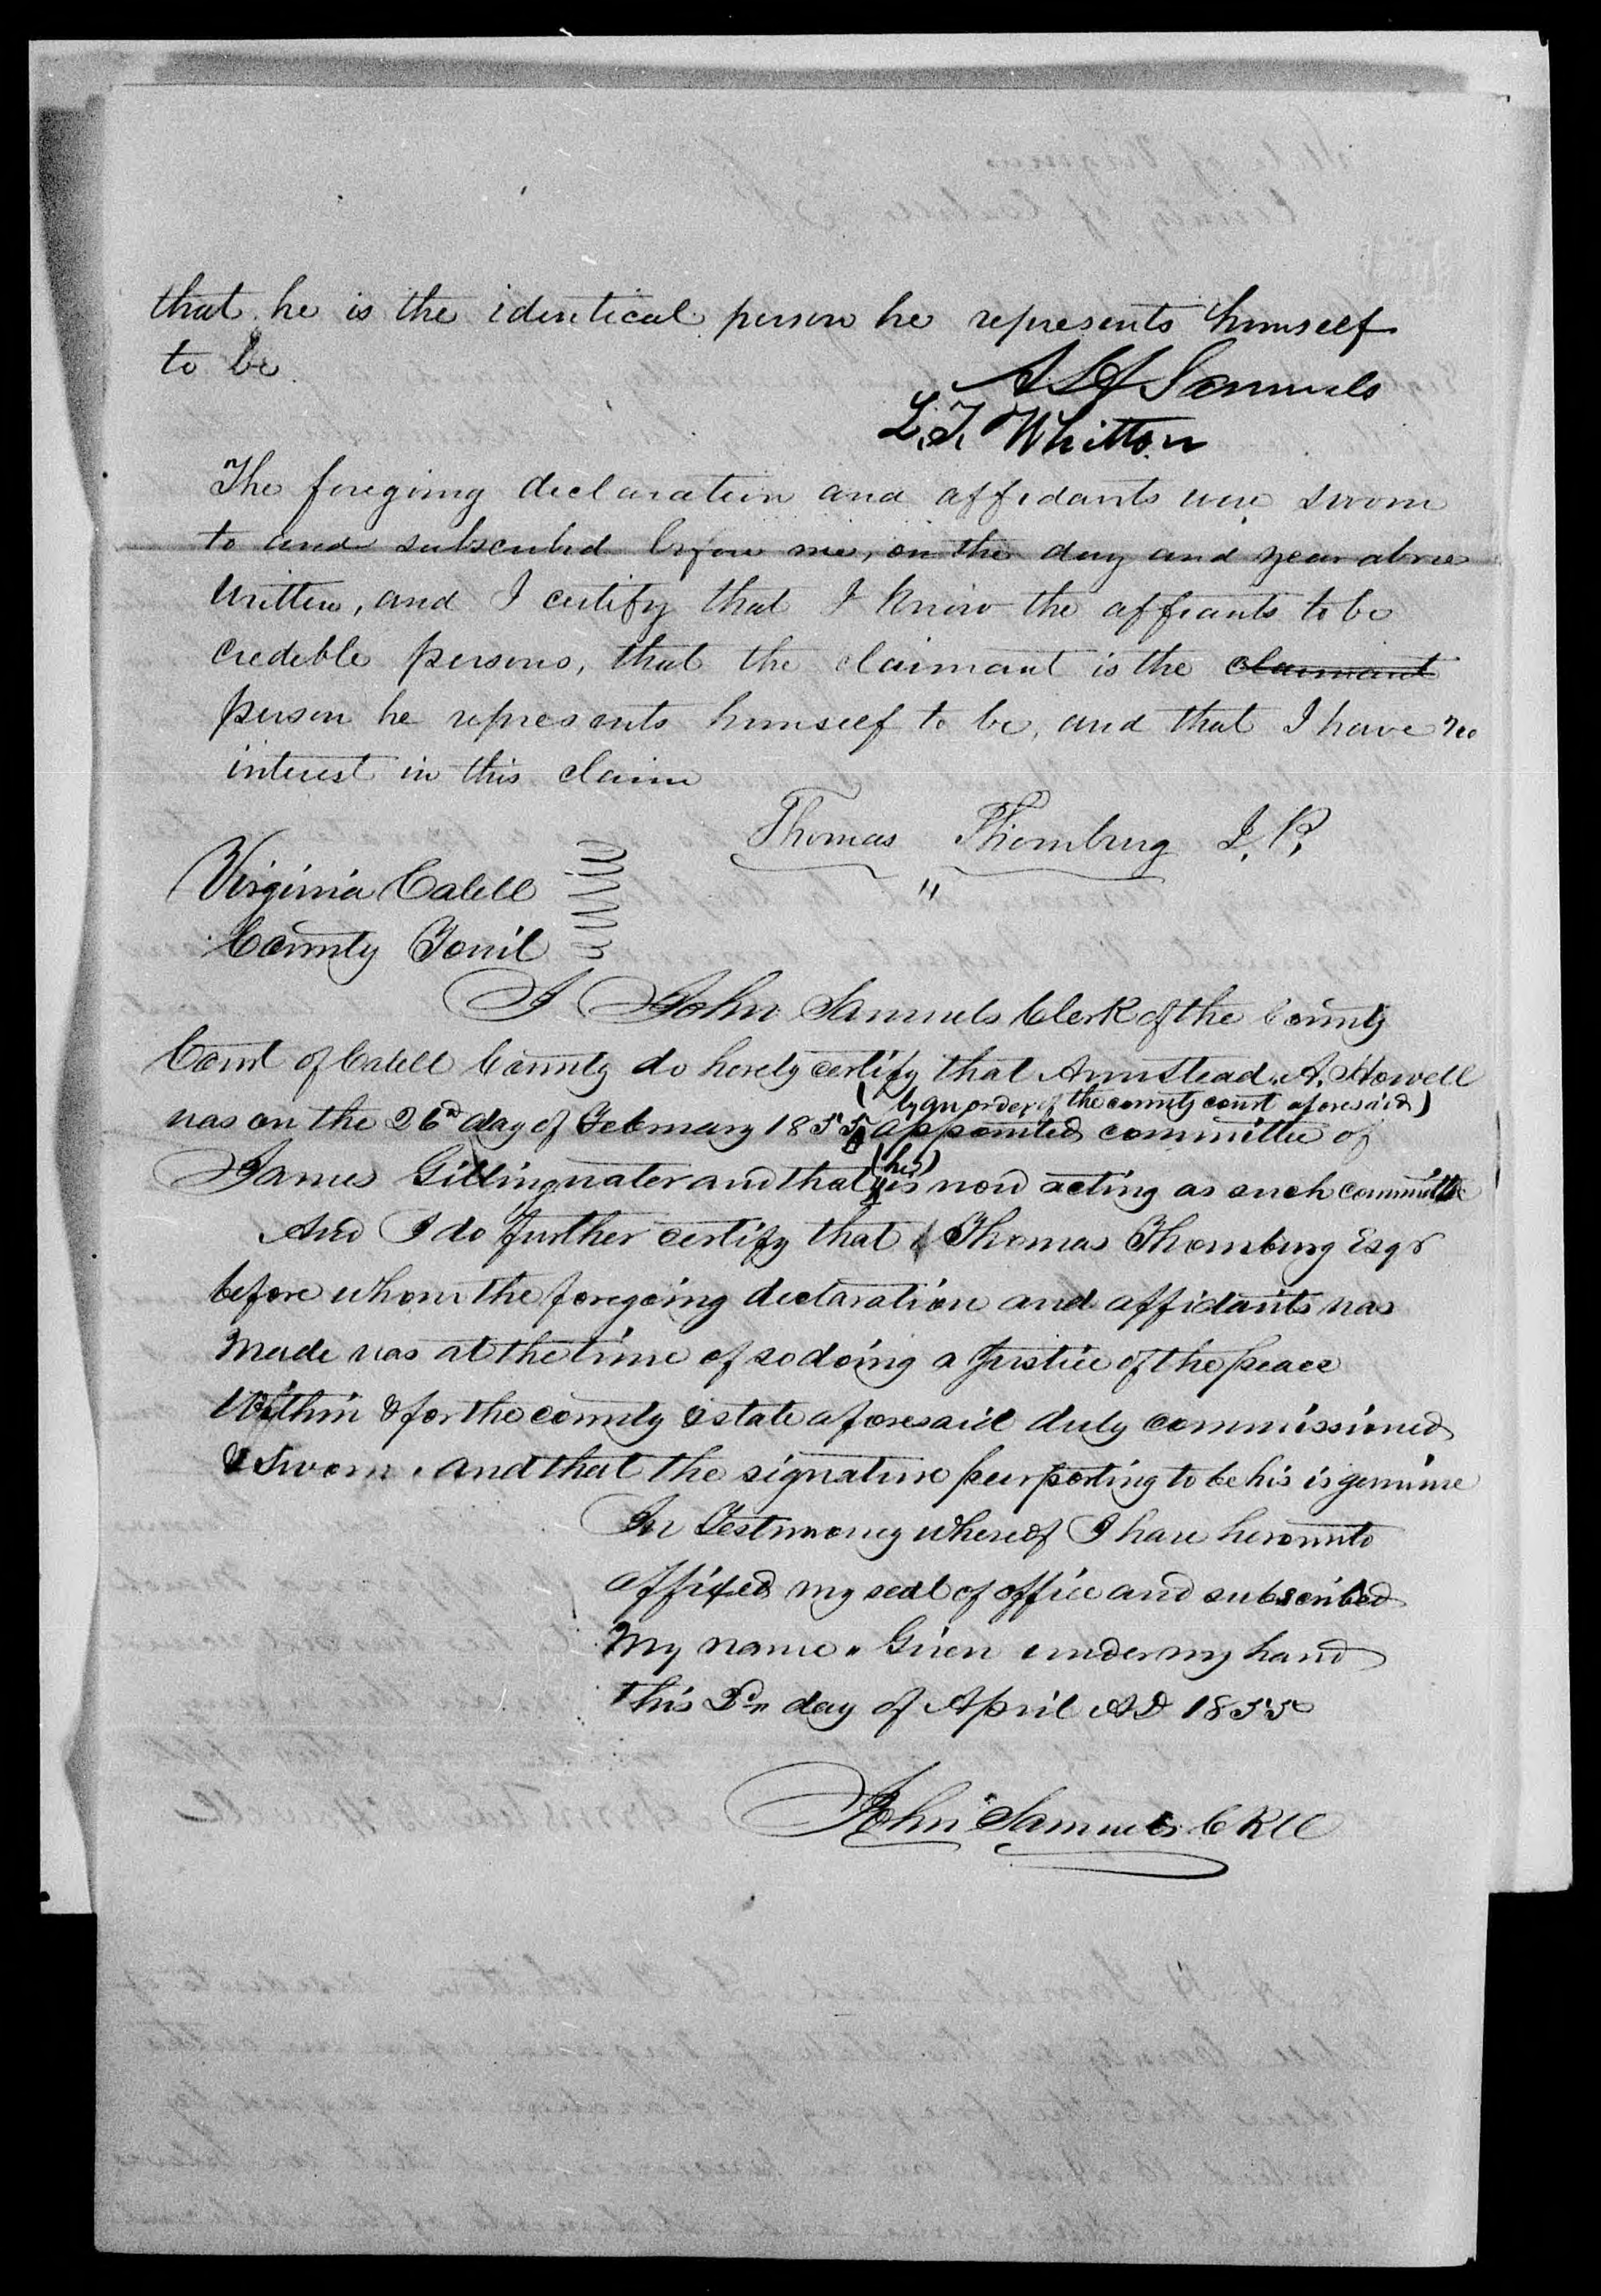that he is the identical person he represents himself to be.
A. H. Samuels
L. T. Whitton

The foregoing declaration and affidavit was sworn to and subscribed before me, on the day and year above written, and I certify that I know the affiants to be credible persons, that the claimant is the [crossed out. "claimant"] person he represents himself to be, and that I have no interest in this claim.
Thomas Thornburg J.P.

Virginia Cabell County Court
I John Samuels clerk of the county court of Cabell County do hereby certify (carrot by an order of the county court aforesaid) that Armistead A Howell was on the 26th day of February 1855 appointed committee of James Gillingwater and that he is now acting as such committee. 
And I do further certify that I Thomas Thornburg Esqr before whom the foregoing declaration and affidavit was made was at the time of so doing a Justice of the Peace within and for the county and state aforesaid duly commissioned. Sworn and that the signature purporting to be his is genuine.
In testimony whereof I have hereunto affixed my seal of office and subscribed my name, Given under my hand this 2nd day of April AD 1855.
John Samuels  CR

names: Thomas Thornburg, Armstead A Howell, L T Whitton, John Samuels, John Samuels, James Gillingwater, Thomas Thornburg, A H Samuels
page: 14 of 36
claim: survivor's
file: S. 39570, James Gillingwater, Va.